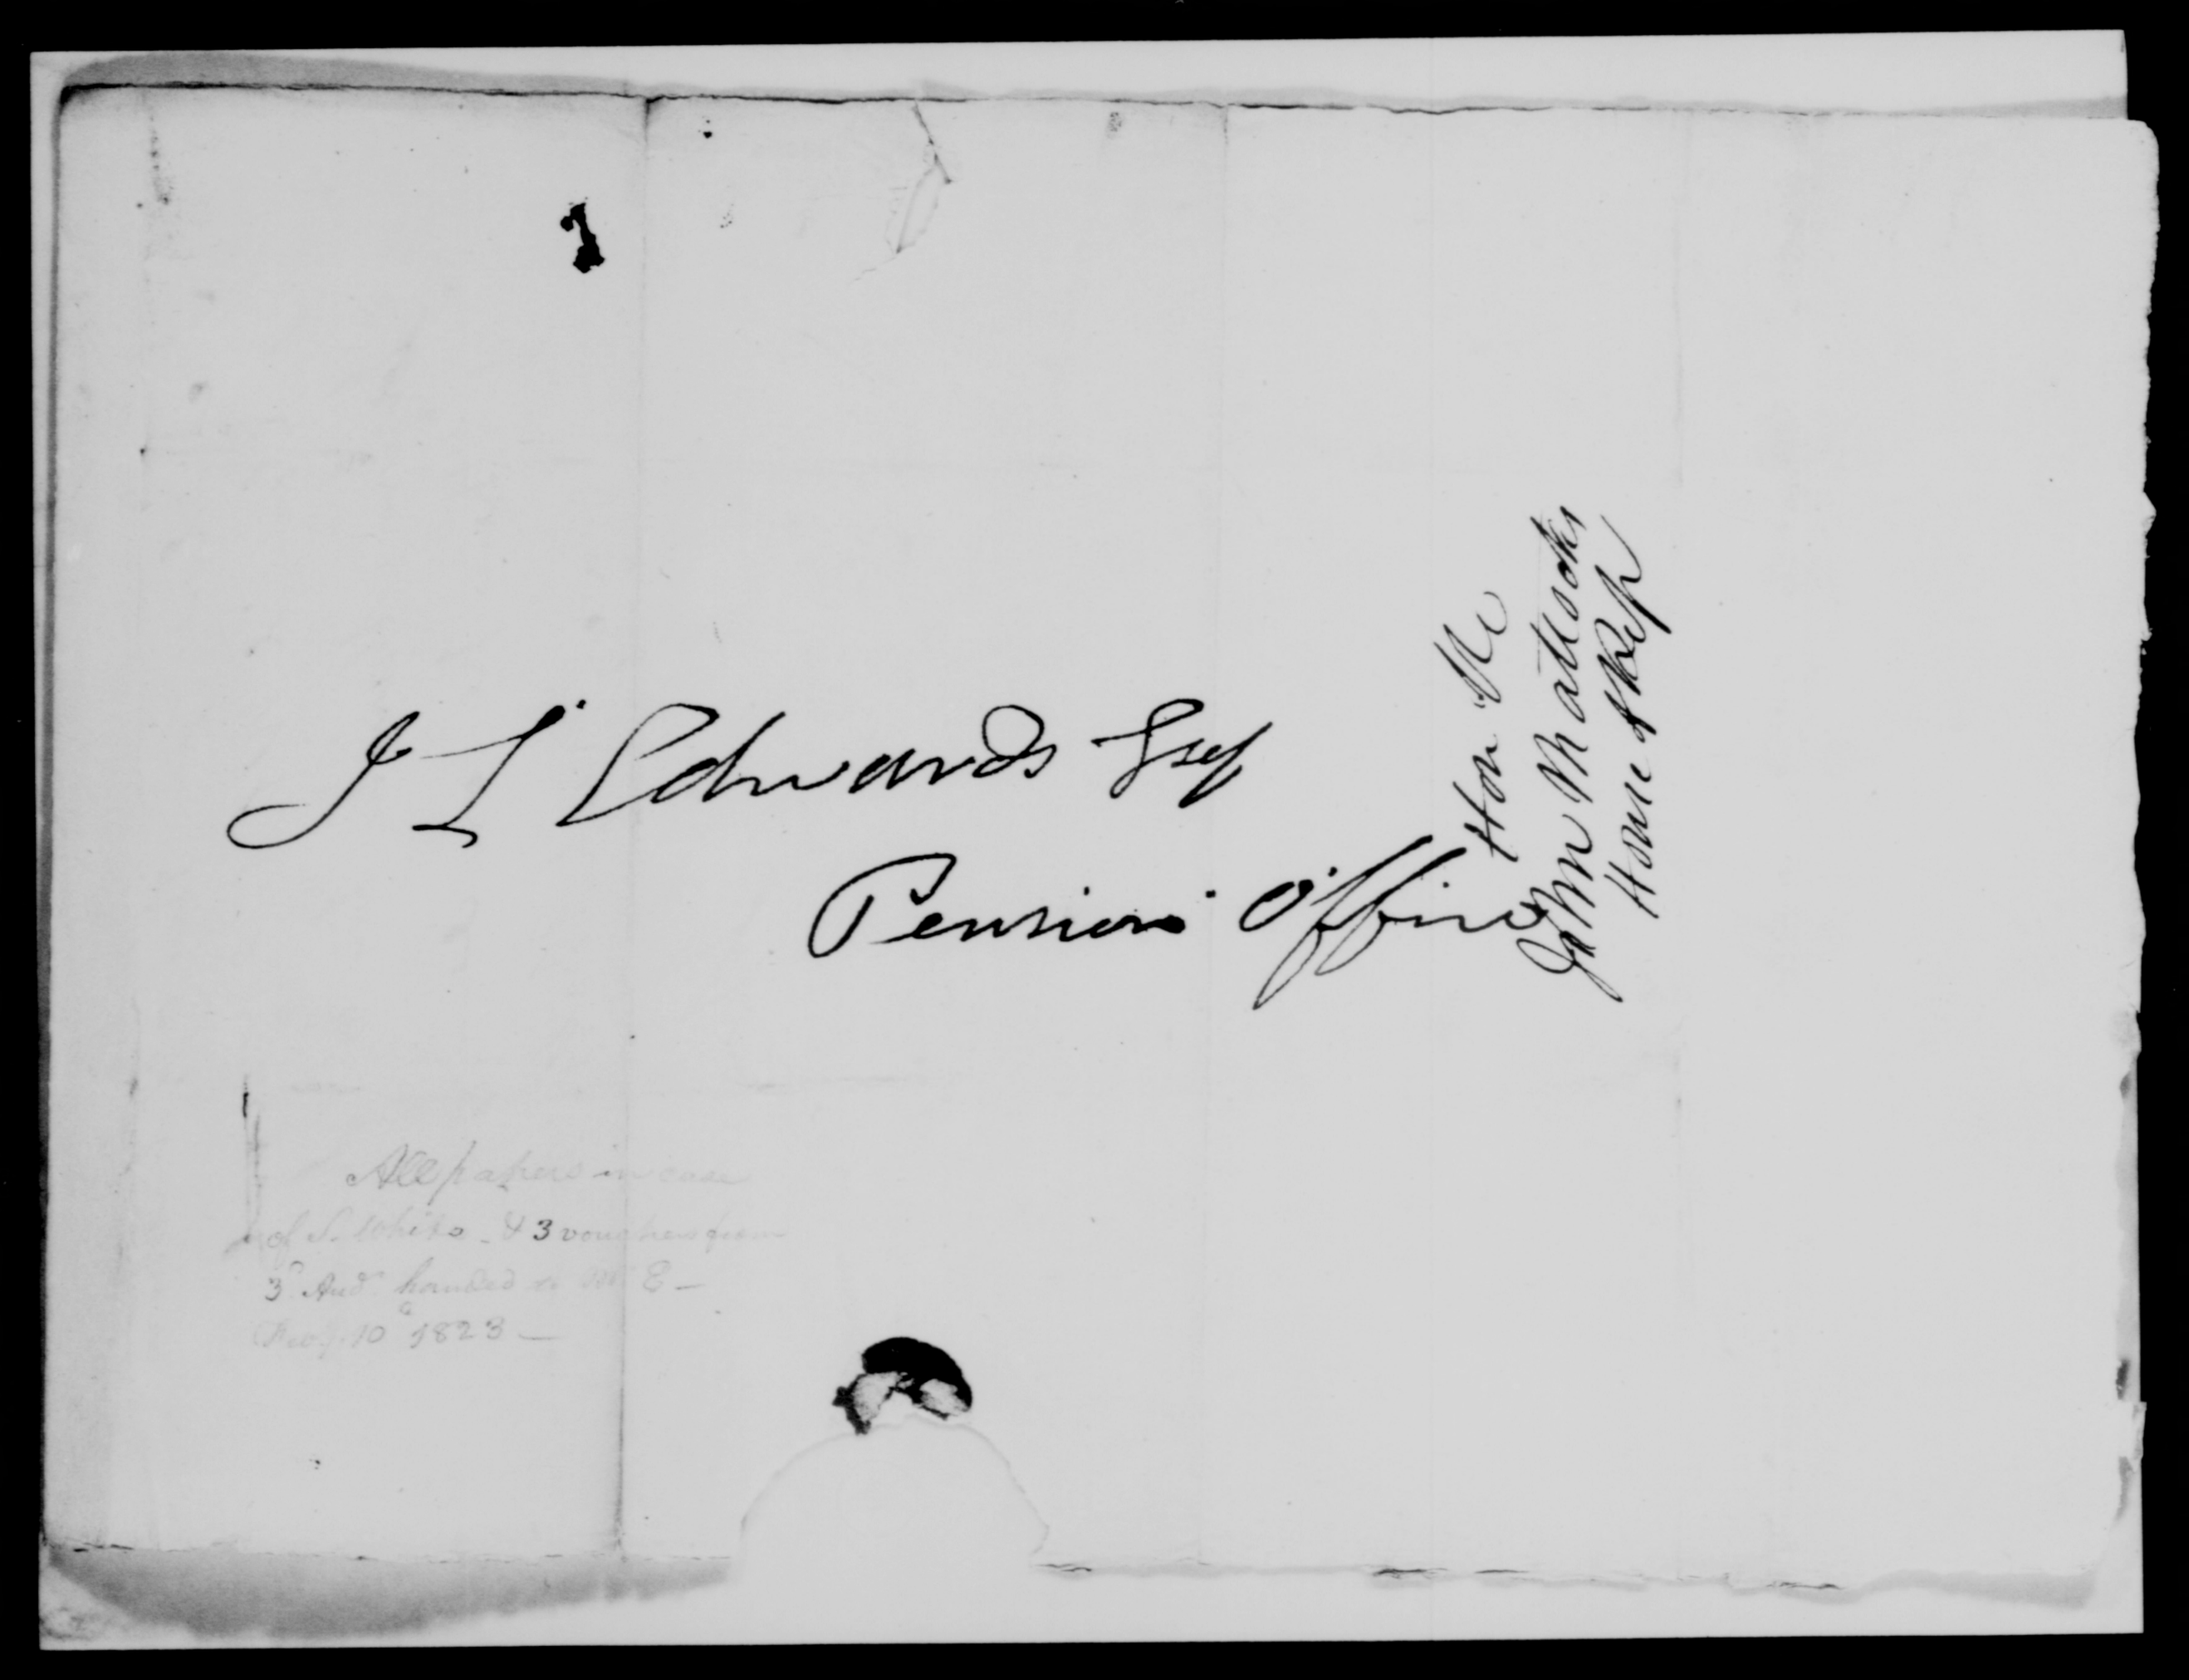J. L. Edwards Esq
Pensions Office

Hon.ble John Mattocks
House of Reps.

All papers in care of S. White & 3 vouchers from 3d Augt. handed in at 8--Nov 10 1828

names: John Mattocks, J L Edwards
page: 53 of 79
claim: survivor's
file: S. 11759, Samuel White, Mass.